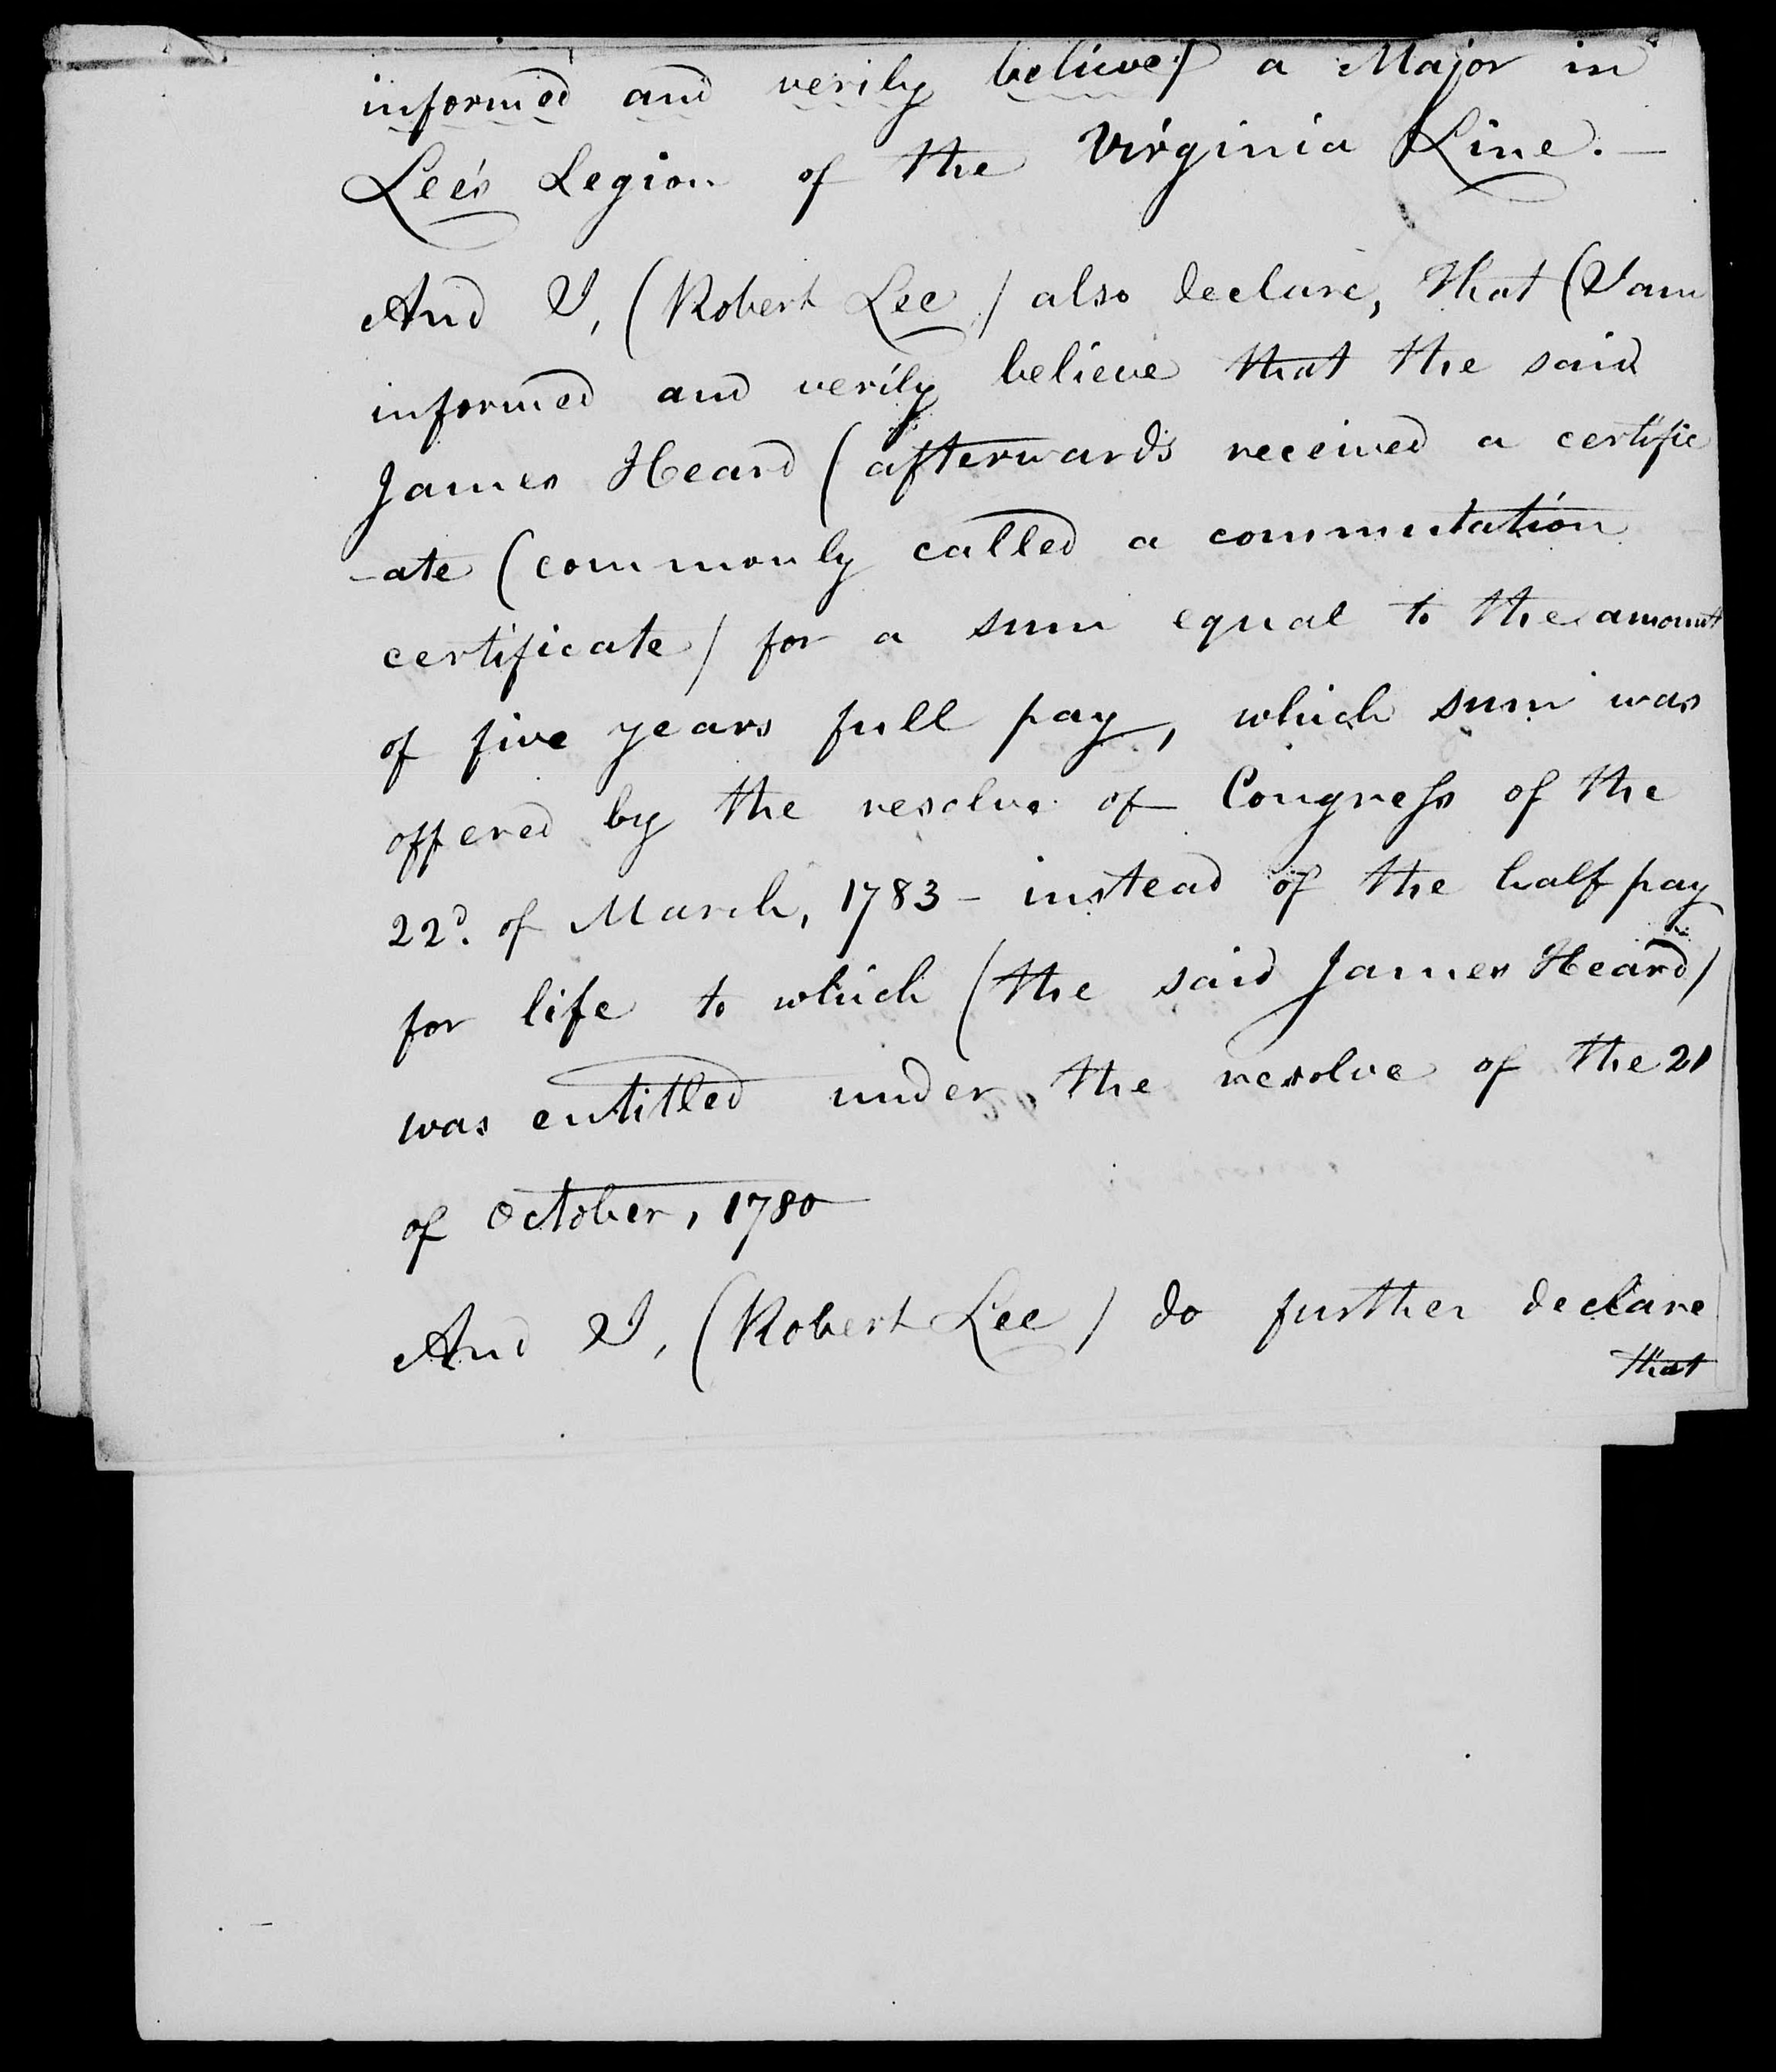Informed and verily believed a Major in Lee’s Legion of the Virginia Line. And I (Robert Lee) also believe, that James informed and verily believe that the said James Heard afterwards received a certificate (commonly called a commutation certificate) for a sum equal to the amount of five years full pay, which sum was offered by the resolve of Congress of the 22nd of March, 1783 instead of the half pay for life to which the said James Heard was entitled under the resolve of the 20th of October, 1780.

And I, Robert Lee, do further declare that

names: Robert Lee, Robert Lee, James Heard, James Heard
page: 23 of 62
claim: survivor's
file: S. 540, James Heard, Continental - New Jersey Residence In 1818